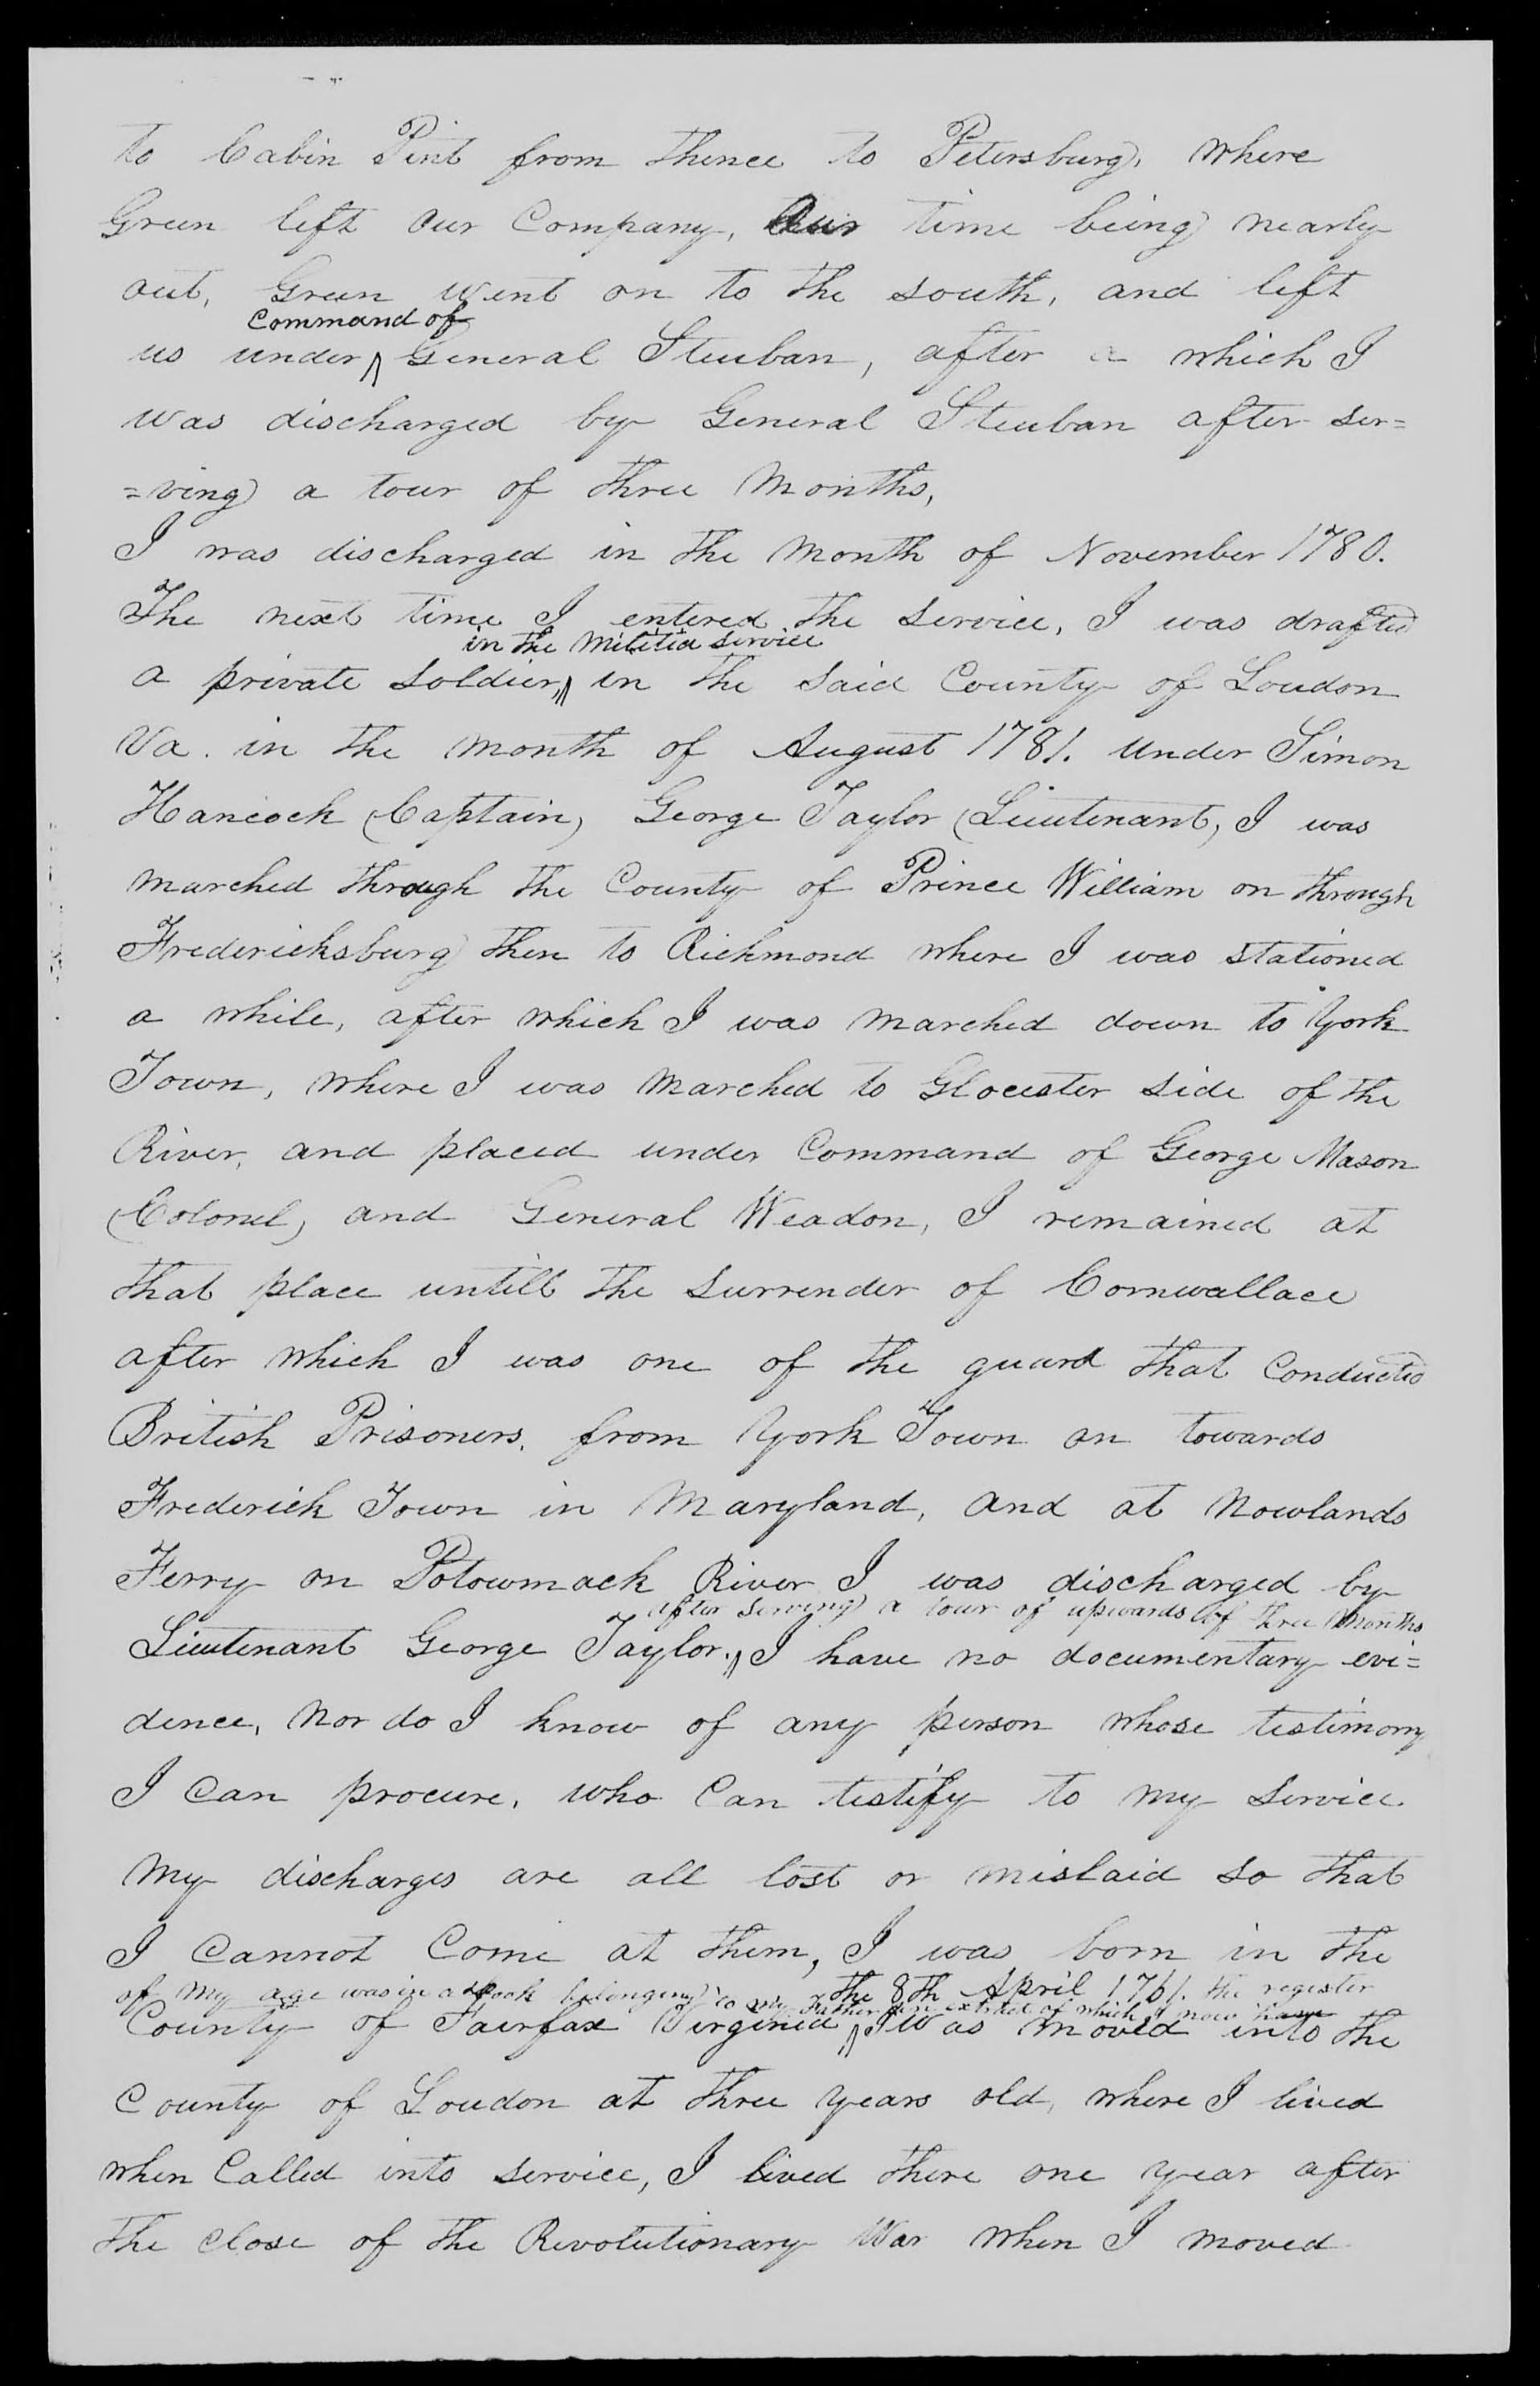to Cabon Pint from thence to Petersburg, where
Green left our Company, our time being nearly
out, Green went on to the south, and left
us under Command of General Steuben, after a which I
was discharged by General Steuben after 
serving a tour of three months.
I was discharged in the month of November 1780.
The next time I entered the Service, I was drafted
a private Soldier in the Militia Service in the said County of Loudon
Va. in the month of August 1781. under Simon
Hancock (Captain) George Taylor (Lieutenant) I was
marched through the County of Prince William on through
Fredericksburg then to Richmond where I was stationed
a while, after which I was marched down to York
Town, where I was marched to Glocester side of the
River and placed under Command of George Mason
(Colonel) and General Weadon, I remained at
that place until the Surrender of Cornwallace
after which I was one of the guard that Conducted
British Prisoners from York Town on towards
Frederick Town in Maryland, and at Nowlands
Ferry on Potowmack River I was discharged by
Lieutenant George Taylor after serving a tour of upwards of three months
I have no documentary evidence,
nor do I know of any person whose testimony
I can procure, who can testify to my Service.
My discharges are all lost or mislaid so that
I cannot come at them, I was born in the
County of Fairfax Virginia , the 8th April 1761.  The register
of my age was in a book belonging to my Father estate of which I now [crossed out]
I was moved into the
County of Loudon at three years old, where I lived
when called into service, I lived there one year after
the close of the Revolutionary War when I moved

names: Weadon, George Taylor, Simon Hancock, George Mason, George Taylor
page: 6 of 18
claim: survivor's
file: S. 6578, Thomas Bailey, Va.